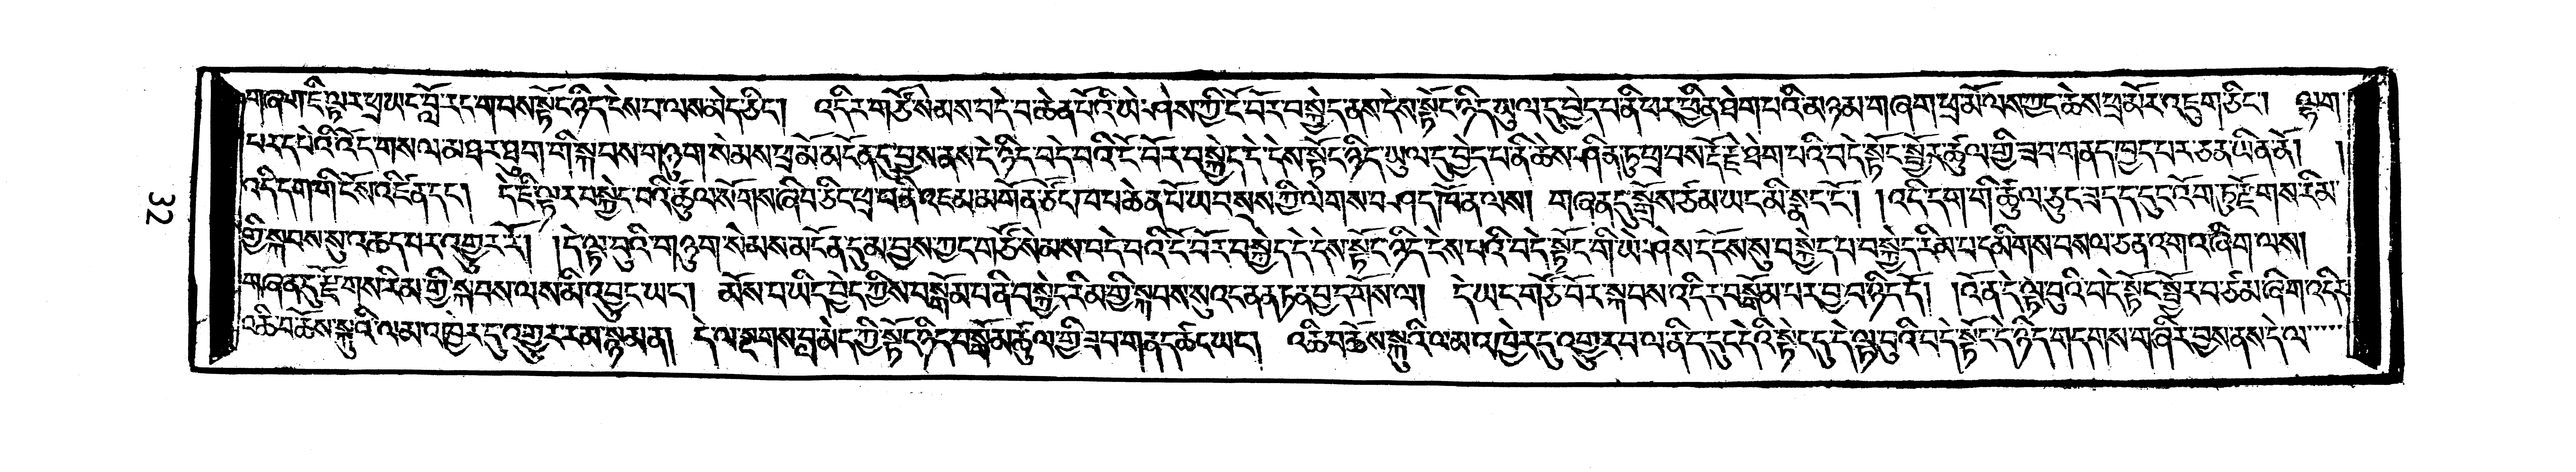གཞག་ཇི་ལྟར་ཕྲ་ཡབ་བློ་རང་ག་བས་སྟོང་ཉིད་ངེས་པ་ལས་མེད་ཅིང་། འདིར་གཙོ་སེམས་བདེ་བ་ཆེན་པོའི་ཡེ་ཤེས་ཀྱི་ངོ་བོར་བསྐྱེད་ནས་དེས་སྟོང་ཉིད་ཡུལ་དུ་བྱེད་པ་ནི་ཕར་ཕྱིན་ཐེག་པའི་མཉམ་གཞག་ཕྲ་མོ་ལས་ཀྱང་ཆེས་ཕྲ་མོར་འཇུག་ཅིང་། ལྷག་
པར་དཔེའི་འོད་གསལ་མཐར་ཐུག་གི་སྐབས་གཉུག་སེམས་ཕྲ་མོ་མངོན་དུ་བྱས་ནས་དེ་ཉིད་བདེ་བའི་ངོ་བོར་བསྐྱེད་དེ་དེས་སྟོང་ཉིད་ཡུལ་དུ་བྱེད་པ་ནི་ཆེས་ཤིན་ཏུ་ཕྲ་བས་རྡོ་རྗེ་ཐེག་པའི་བདེ་སྟོང་སྦྱོར་ཚུལ་གྱི་ཟབ་གནད་ཁྱད་པར་ཅན་ཡིན་ནོ། །
འདི་དག་གི་ངོས་འཛིན་དང་། དེ་ཇི་ལྟར་བསྐྱེད་པའི་ཚུལ་སོགས་ཞིབ་ཅིང་ཕྲ་བ་ནི་འཇམ་མགོན་ཙོང་ཁ་པ་ཆེན་པོ་ཡབ་སྲས་ཀྱི་ལེགས་བཤད་ཁོ་ན་ལས། གཞན་དུ་སྒྲོས་ཙམ་ཡང་མི་སྣང་ངོ། །འདི་དག་གི་ཚུལ་ཅུང་ཟད་ད་དུང་འོག་ཏུ་རྫོགས་རིམ་
གྱི་སྐབས་སུ་འཆད་པར་འགྱུར་རོ། །དེ་ལྟ་བུའི་གཉུག་སེམས་མངོན་དུ་མ་བྱས་ཀྱང་གཙོ་སེམས་བདེ་བའི་ངོ་བོར་བསྐྱེད་དེ་དེས་སྟོང་ཉིད་ངེས་པའི་བདེ་སྟོང་གི་ཡེ་ཤེས་དངོས་སུ་བསྐྱེད་པ་བསྐྱེད་རིམ་པ་དམིགས་བསལ་ཅན་འགའ་ཞིག་ལས།
གཞན་དུ་རྫོགས་རིམ་གྱི་སྐབས་ལས་མི་འབྱུང་ཡང་། མོས་པ་ཡིད་བྱེད་ཀྱིས་བསྒོམ་པ་ནི་བསྐྱེད་རིམ་གྱི་སྐབས་སུའང་ནན་ཏན་བྱ་དགོས་ལ། དེ་ཡང་གཙོ་བོར་སྐབས་འདིར་བསྒོམ་པར་བྱ་བ་ཉིད་དོ། །འོ་ན་དེ་ལྟ་བུའི་བདེ་སྟོང་སྦྱོར་བ་ཙམ་ཞིག་འདིར་
འཆི་བ་ཆོས་སྐུའི་ལམ་འཁྱེར་དུ་འགྱུར་རམ་སྙམ་ན། དེ་ལ་སྔགས་བླ་མེད་ཀྱི་སྟོང་ཉིད་བསྒོམ་ཚུལ་གྱི་ཟབ་གནད་ཚང་ཡང་། འཆི་བ་ཆོས་སྐུའི་ལམ་འཁྱེར་དུ་འགྱུར་བ་ལ་ནི་ད་དུང་དེའི་སྟེང་དུ་དེ་ལྟ་བུའི་བདེ་སྟོང་དེ་ཉིད་གདགས་གཞིར་བྱས་ནས་དེ་ལ་